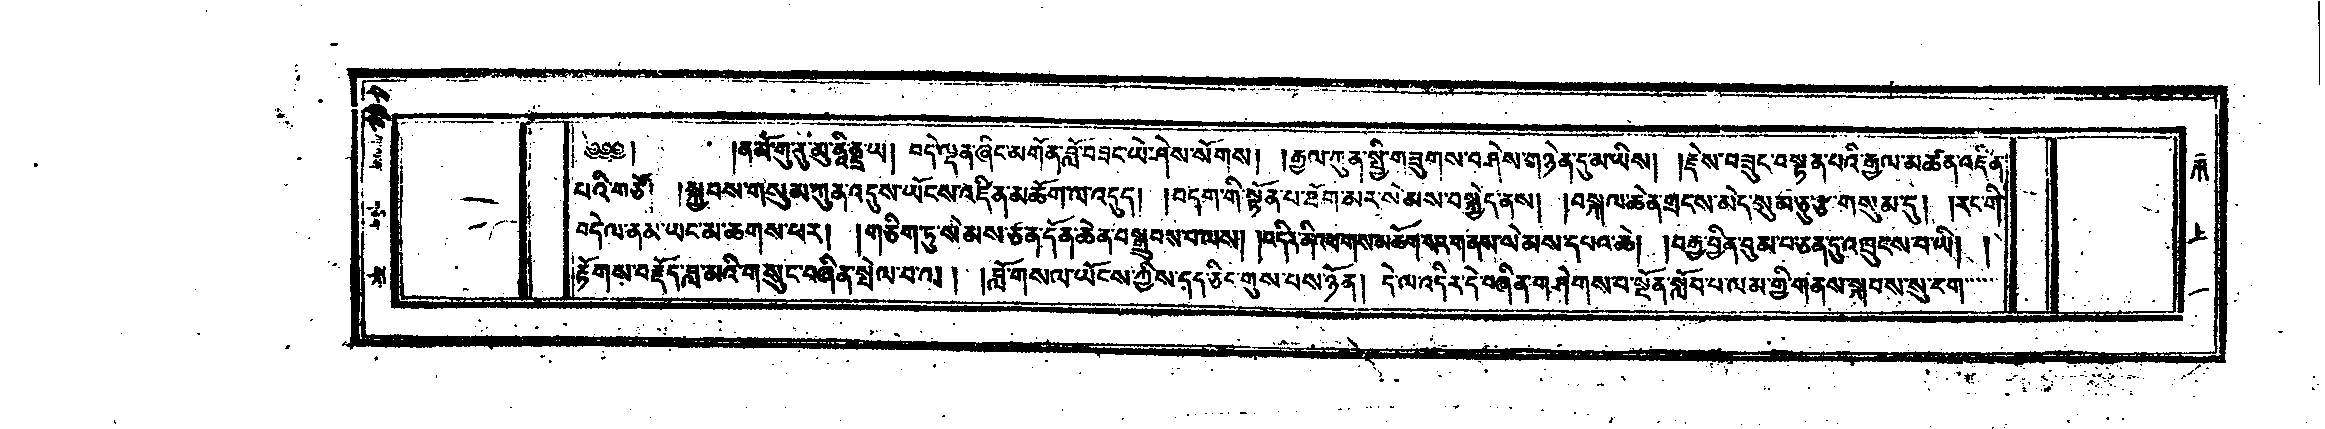༄༅༅། །ན་མོ་གུ་རུ་མུ་ནཱི་ནྡྲ་ཡ། བདེ་ལྡན་ཞིང་མགོན་བློ་བཟང་ཡེ་ཤེས་སོགས། །རྒྱལ་ཀུན་སྤྱི་གཟུགས་བཤེས་གཉེན་དུ་མ་ཡིས། །རྗེས་བཟུང་བསྟན་པའི་རྒྱལ་མཚན་འཛིན་
པའི་གཙོ། །སྐྱབས་གསུམ་ཀུན་འདུས་ཡོངས་འཛིན་མཆོག་ལ་འདུད། །བདག་གི་སྟོན་པ་ཐོག་མར་སེམས་བསྐྱེད་ནས། །བསྐལ་ཆེན་གྲངས་མེད་སུམ་ཅུ་རྩ་གསུམ་དུ། །རང་གི་
བདེ་ལ་ནམ་ཡང་མ་ཆགས་པར། །གཅིག་ཏུ་སེམས་ཅན་དོན་ཆེན་བསྒྲུབས་པ་ལས། །འདིར་ནི་འཕགས་མཆོག་སར་གནས་སེམས་དཔའ་ཆེ། །བརྒྱ་བྱིན་བུམ་པ་ཅན་དུ་འཁྲུངས་པ་ཡི། །
རྟོགས་བརྗོད་བླ་མའི་གསུང་བཞིན་སྤེལ་བ་ལ། །བློ་གསལ་ཡོངས་ཀྱིས་དད་ཅིང་གུས་པས་ཉོན། དེ་ལ་འདིར་དེ་བཞིན་གཤེགས་པ་སྔོན་སློབ་པ་ལམ་གྱི་གནས་སྐབས་སུ་ངག་